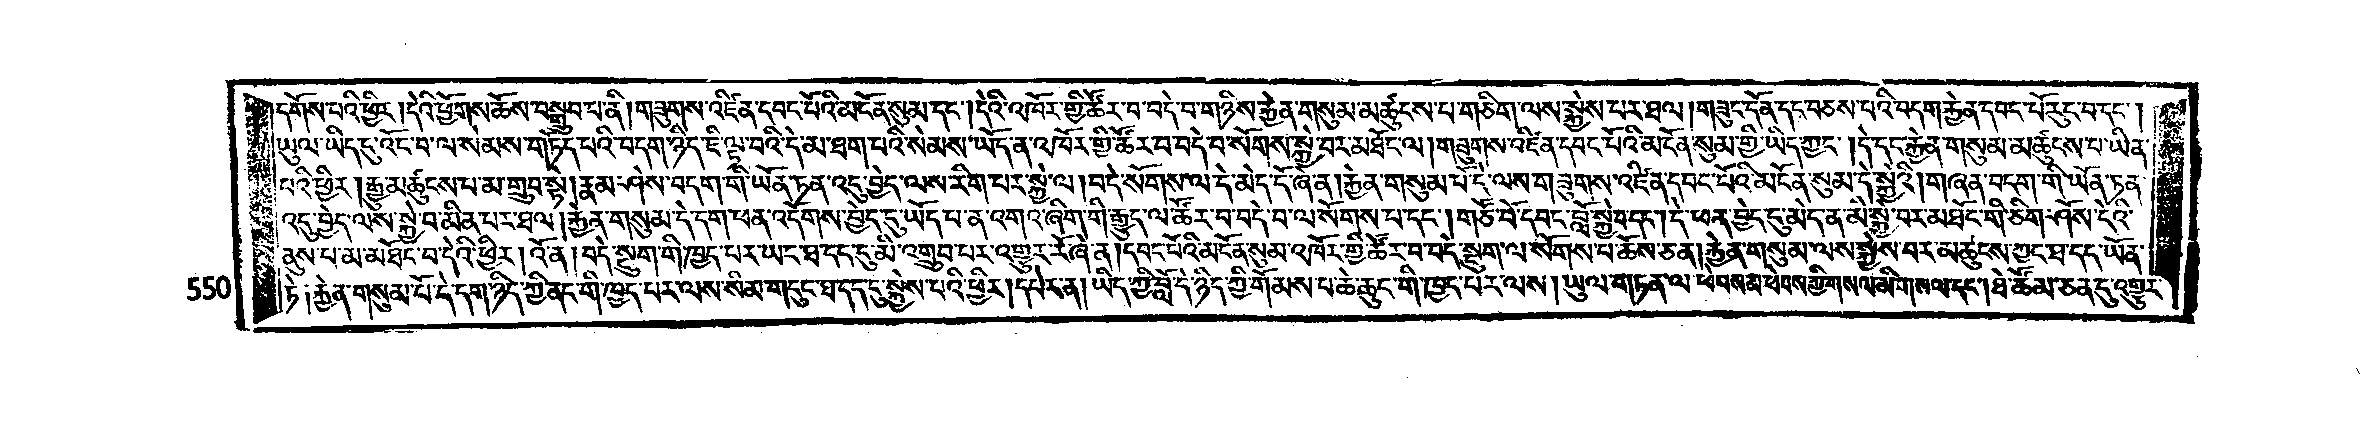དགོས་པའི་ཕྱིར། དེའི་ཕྱོགས་ཆོས་བསྒྲུབ་པ་ནི། གཟུགས་འཛིན་དབང་པོའི་མངོན་སུམ་དང་། དེའི་འཁོར་གྱི་ཚོར་བ་བདེ་བ་གཉིས་རྐྱེན་གསུམ་མཚུངས་པ་གཅིག་ལས་སྐྱེས་པར་ཐལ། གཟུང་དོན་དང་བཅས་པའི་བདག་རྐྱེན་དབང་པོ་རུང་བ་དང་།
ཡུལ་ཡིད་དུ་འོང་བ་ལ་སེམས་གཏོད་པའི་བདག་ཉིད་ཇི་ལྟ་བའི་དེ་མ་ཐག་པའི་སེམས་ཡོད་ན་འཁོར་གྱི་ཚོར་བ་བདེ་བ་སོགས་སྐྱེ་བར་མཐོང་ལ། གཟུགས་འཛིན་དབང་པོའི་མངོན་སུམ་གྱི་ཡིད་ཀྱང་། དེ་དང་རྐྱེན་གསུམ་མཚུངས་པ་ཡིན་
པའི་ཕྱིར། རྒྱུ་མཚུངས་པ་མ་གྲུབ་སྟེ། རྣམ་ཤེས་བདག་གི་ཡོན་ཏན་འདུ་བྱེད་ལས་རིག་པར་སྐྱེ་ལ། བདེ་སོགས་ལ་དེ་མེད་དོ་ཞེ་ན། རྐྱེན་གསུམ་པོ་དེ་ལས་གཟུགས་འཛིན་དབང་པོའི་མངོན་སུམ་དེ་སྐྱེའི། གཞན་བདག་གི་ཡོན་ཏན་
འདུ་བྱེད་ལས་སྐྱེ་བ་མིན་པར་ཐལ། རྐྱེན་གསུམ་དེ་དག་ཕན་འདོགས་བྱེད་དུ་ཡོད་པ་ན་འགའ་ཞིག་གི་རྒྱུད་ལ་ཚོར་བ་བདེ་བ་ལ་སོགས་པ་དང་། གཙོ་བོ་དབང་བློ་སྐྱེ་བ་དང་། དེ་ཕན་བྱེད་དུ་མེད་ན་མི་སྐྱེ་བར་མཐོང་གི་ཅིག་ཤོས་དེའི་
ནུས་པ་མ་མཐོང་བ་དེའི་ཕྱིར། འོ་ན། བདེ་སྡུག་གི་ཁྱད་པར་ཡང་ཐ་དད་དུ་མི་འགྲུབ་པར་འགྱུར་རོ་ཞེ་ན། དབང་པོའི་མངོན་སུམ་འཁོར་གྱི་ཚོར་བ་བདེ་སྡུག་ལ་སོགས་པ་ཆོས་ཅན། རྐྱེན་གསུམ་ལས་སྐྱེས་པར་མཚུངས་ཀྱང་ཐ་དད་ཡིན་
ཏེ། རྐྱེན་གསུམ་པོ་དེ་དག་ཉིད་ཀྱི་ནང་གི་ཁྱད་པར་ལས་སིམ་གདུང་ཐ་དད་དུ་སྐྱེས་པའི་ཕྱིར། དཔེར་ན། ཡིད་ཀྱི་བློ་དེ་ཉིད་ཀྱི་གོམས་པ་ཆེ་ཚུང་གི་ཁྱད་པར་ལས། ཡུལ་གཏན་ལ་ཕེབས་མ་ཕེབས་ཀྱི་གསལ་མི་གསལ་དང་། ཐེ་ཚོམ་ཅན་དུ་འགྱུར་